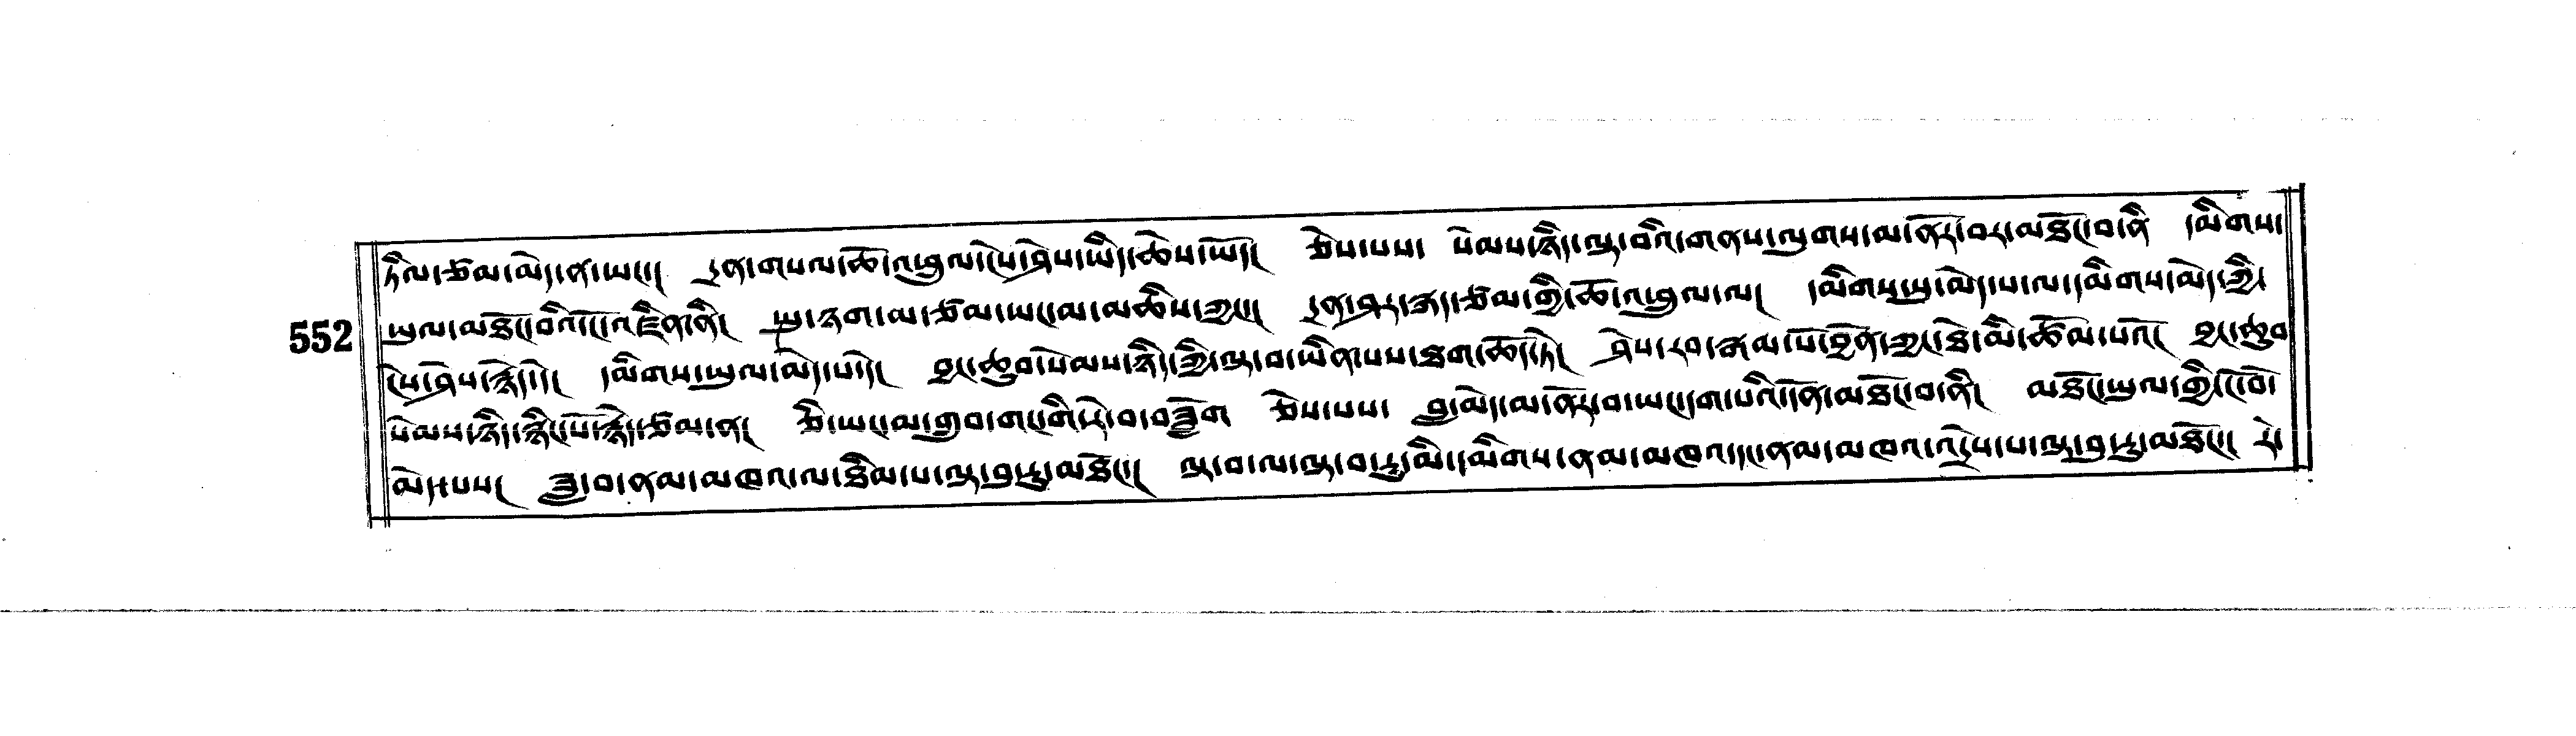ཏིལ་ཙམ་མེད་ན་ཡང་། དྲན་གསལ་ཆོ་འཕྲུལ་ངེས་ཤེས་ཡིད་ཆེས་ཡོད། ཅེས་པས། སེམས་ཉིད་ལྟ་བའི་གནས་ལུགས་མ་ནོར་བར་མཐོང་བ་ནི། དམིགས་
ཡུལ་མཐོང་བའི་ངོ་འཛིན་ནི། སྤུ་ཉག་མ་ཙམ་ཡང་མ་མཆིས་ཀྱང་། དྲན་ཤར་སྐད་ཙམ་གྱི་ཆོ་འཕྲུལ་ལ། དམིགས་སུ་མེད་པ་ལ་དམིགས་མེད་ཀྱི་
ངེས་ཤེས་རྙེད་དེ། དམིགས་ཡུལ་མེད་པ་དེ། བྱང་ཆུབ་སེམས་ཉིད་ཀྱི་ལྟ་བ་ཡིན་པས་ཐག་ཆོད་དེ། ཤེས་རབ་སྒམ་པོ་བྱོན་ཀྱང་ཐེ་མི་ཚོམ་པའོ། བྱང་ཆུབ་
སེམས་ཉིད་སྙིང་པོ་རྙེད་ཙམ་ན། ཅི་ཡང་མ་གྲུབ་གང་གི་རེ་བ་བཟློག ཅེས་པས། བླ་མེད་མ་ནོར་བ་ཡང་དག་པའི་དོན་མཐོང་བ་ནི། མཐོང་ཡུལ་གྱི་ངོ་བོ་
མེད་པས། ཟླ་བ་ནམ་མཁའ་ལ་ཐིམ་པ་ལྟ་བུ་རུ་མཐོང་། ལྟ་བ་ལ་ལྟ་བ་རུ་མི་དམིགས་ནམ་མཁའ་དང་ནམ་མཁའ་འདྲེས་པ་ལྟ་བུ་རུ་མཐོང་། རེ་